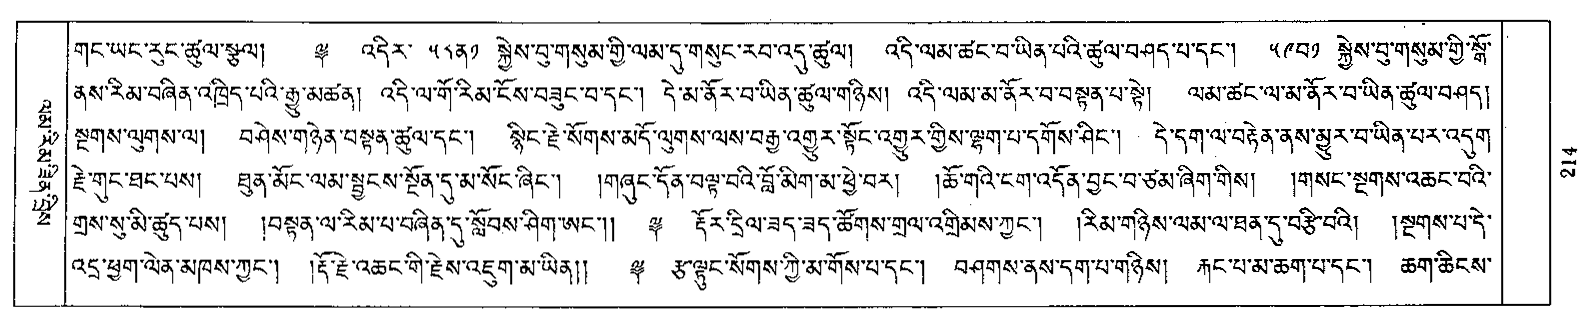གང་ཡང་རུང་ཚུལ་སྩལ། ༈ འདིར ༥༨་ན ༡་སྐྱེས་བུ་གསུམ་གྱི་ལམ་དུ་གསུང་རབ་འདུ་ཚུལ། འདི་ལམ་ཚང་བ་ཡིན་པའི་ཚུལ་བཤད་པ་དང་། ༥༩་བ ༡་སྐྱེས་བུ་གསུམ་གྱི་སྒོ་
ནས་རིམ་བཞིན་འཁྲིད་པའི་རྒྱུ་མཚན། འདི་ལ་གོ་རིམ་ངོས་བཟུང་བ་དང་། དེ་མ་ནོར་བ་ཡིན་ཚུལ་གཉིས། འདི་ལམ་མ་ནོར་བ་བསྟན་པ་སྟེ། ལམ་ཚང་ལ་མ་ནོར་བ་ཡིན་ཚུལ་བཤད།
སྔགས་ལུགས་ལ། བཤེས་གཉེན་བསྟན་ཚུལ་དང་། སྙིང་རྗེ་སོགས་མདོ་ལུགས་ལས་བརྒྱ་འགྱུར་སྟོང་འགྱུར་གྱིས་ལྷག་པ་དགོས་ཤིང་། དེ་དག་ལ་བརྟེན་ནས་མྱུར་བ་ཡིན་པར་འདུག་
རྗེ་གུང་ཐང་པས། ཐུན་མོང་ལམ་སྦྱངས་སྔོན་དུ་མ་སོང་ཞིང་། །གཞུང་དོན་བལྟ་བའི་བློ་མིག་མ་ཕྱེ་བར། །ཆོ་གའི་ངག་འདོན་བྱང་བ་ཙམ་ཞིག་གིས། །གསང་སྔགས་འཆང་བའི་
གྲས་སུ་མི་ཚུད་པས། །བསྟན་ལ་རིམ་པ་བཞིན་དུ་སློབས་ཤིག་ཨང།། ༈ རྡོར་དྲིལ་ཟད་ཟད་ཚོགས་གྲལ་འགྲིམས་ཀྱང་། །རིམ་གཉིས་ལམ་ལ་ཐན་དུ་བརྩི་བའི། །སྔགས་པ་དེ་
འདྲ་ཕྱག་ལེན་མཁས་ཀྱང་། །རྡོ་རྗེ་འཆང་གི་རྗེས་འཇུག་མ་ཡིན།། ༈ རྩ་ལྟུང་སོགས་ཀྱི་མ་གོས་པ་དང་། བཤགས་ནས་དག་པ་གཉིས། རྐང་པ་མ་ཆག་པ་དང་། ཆག་ཆིངས་